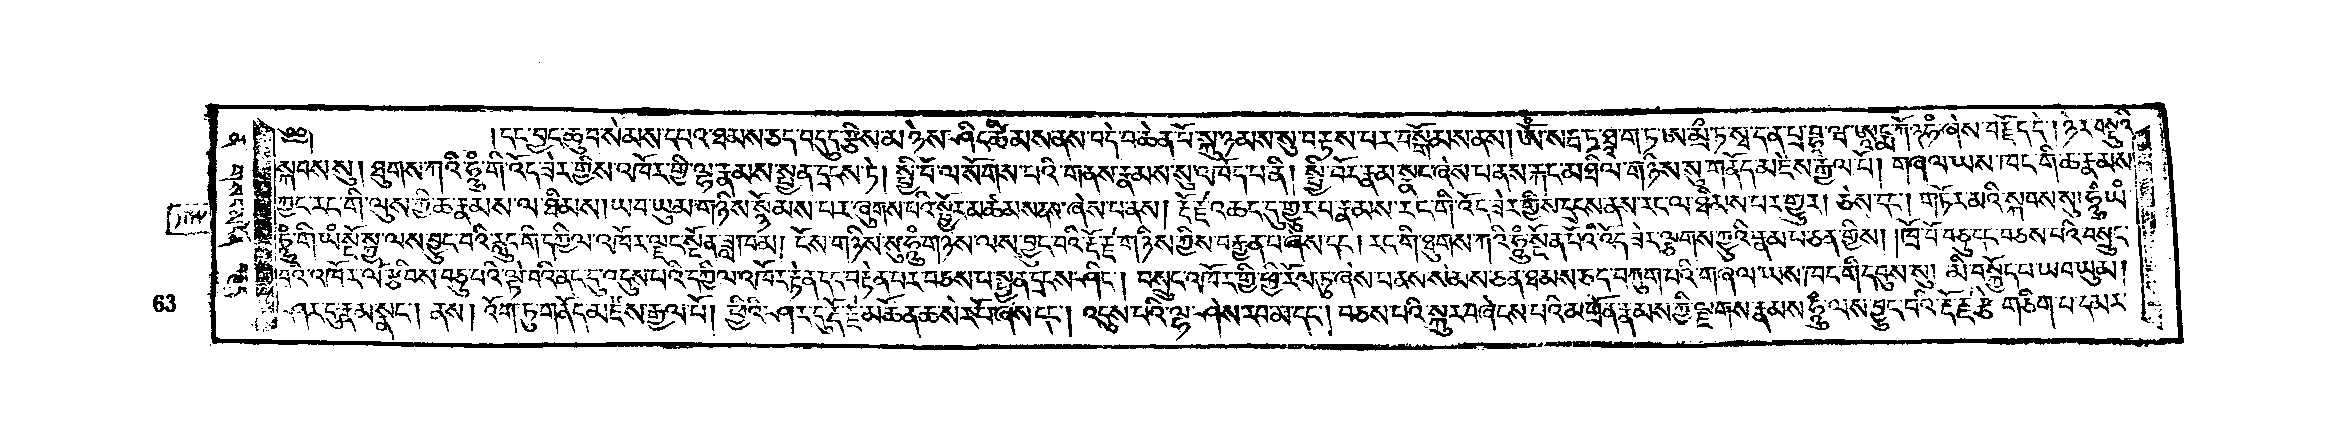༄༅། །དང་བྱང་ཆུབ་སེམས་དཔའ་ཐམས་ཅད་བདུད་རྩིས་མཉེས་ཤིང་ཚིམས་ནས་བདེ་བ་ཆེན་པོ་སྐུ་ཉམས་སུ་བརྟས་པར་བསྒོམས་ནས། ཨོཾ་སརྦ་ཏ་ཐཱ་ག་ཏ་ཨ་མྲྀ་ཏ་སྭ་ད་ན་པྲ་བྷཱ་ཝ་ཨཱདམ་ཀོཉྷཾ་ཞེས་བརྗོད་དེ། ཉེར་བསྡུའི་
སྐབས་སུ། ཐུགས་ཀའི་ཧཱུཾ་གི་འོད་ཟེར་གྱིས་འཁོར་གྱི་ལྷ་རྣམས་སྤྱན་དྲངས་ཏེ། སྤྱི་བོ་ལ་སོགས་པའི་གནས་རྣམས་སུ་འཁོད་པ་ནི། སྤྱི་བོར་རྣམ་སྣང་ཞེས་པ་ནས་རྐང་མཐིལ་གཉིས་སུ་གནོད་མཛེས་རྒྱལ་པོ། གཞལ་ཡས་ཁང་གི་ཆ་རྣམས་
ཀྱང་རང་གི་ལུས་ཀྱི་ཆ་རྣམས་ལ་ཐིམས། ཡབ་ཡུམ་གཉིས་སྙོམས་པར་ཞུགས་པའི་སྦྱོར་མཚམས་ནས་ཞེས་པ་ནས། རྡོ་རྗེ་འཆང་དུ་གྱུར་པ་རྣམས་རང་གི་འོད་ཟེར་གྱིས་དྲངས་ནས་རང་ལ་ཐིམས་པར་གྱུར། ཅེས་དང་། གཏོར་མའི་སྐབས་སུ། ཧཱུཾ་ཡཾ་
ཧཱུཾ་གི་ཡཾ་སྔོ་སྐྱ་ལས་བྱུང་བའི་རླུང་གི་དཀྱིལ་འཁོར་ལྗང་སྔོན་ཟླ་ཁམ། ངོས་གཉིས་སུ་ཧཱུཾ་གཉིས་ལས་བྱུང་བའི་རྡོ་རྗེ་གཉིས་ཀྱིས་བརྒྱན་པ་ཞེས་དང་། རང་གི་ཐུགས་ཀའི་ཧཱུཾ་སྔོན་པོའི་འོད་ཟེར་ལྕགས་ཀྱུའི་རྣམ་པ་ཅན་གྱིས། །ཁྲོ་བོ་བཅུ་དང་བཅས་པའི་བསྲུང་
བའི་འཁོར་ལོ་རྩིབས་བཅུ་པའི་ལྟེ་བའི་ནང་དུ་འདུས་པའི་དཀྱིལ་འཁོར་རྟེན་དང་བརྟེན་པར་བཅས་པ་སྤྱན་དྲངས་ཤིང་། བསྲུང་འཁོར་གྱི་ཕྱི་རོལ་ཏུ་ཞེས་པ་ནས་སེམས་ཅན་ཐམས་ཅད་བཀུག་པའི་གཞལ་ཡས་ཁང་གི་དབུས་སུ། མི་བསྐྱོད་པ་ཡབ་ཡུམ།
ཤར་དུ་རྣམ་སྣང་། ནས། འོག་ཏུ་གནོད་མཛེས་རྒྱལ་པོ། ཕྱིའི་ཤར་དུ་རྡོ་རྗེ་མཚོན་ཆ་སེར་པོ་ཞེས་དང་། འདུས་པའི་ལྷ་ཤེས་རབ་མ་དང་། བཅས་པའི་སྐུར་བཞེངས་པའི་མགྲོན་རྣམས་ཀྱི་ལྗགས་རྣམས་ཧཱུཾ་ལས་བྱུང་བའི་རྡོ་རྗེ་རྩེ་གཅིག་པ་དམར་